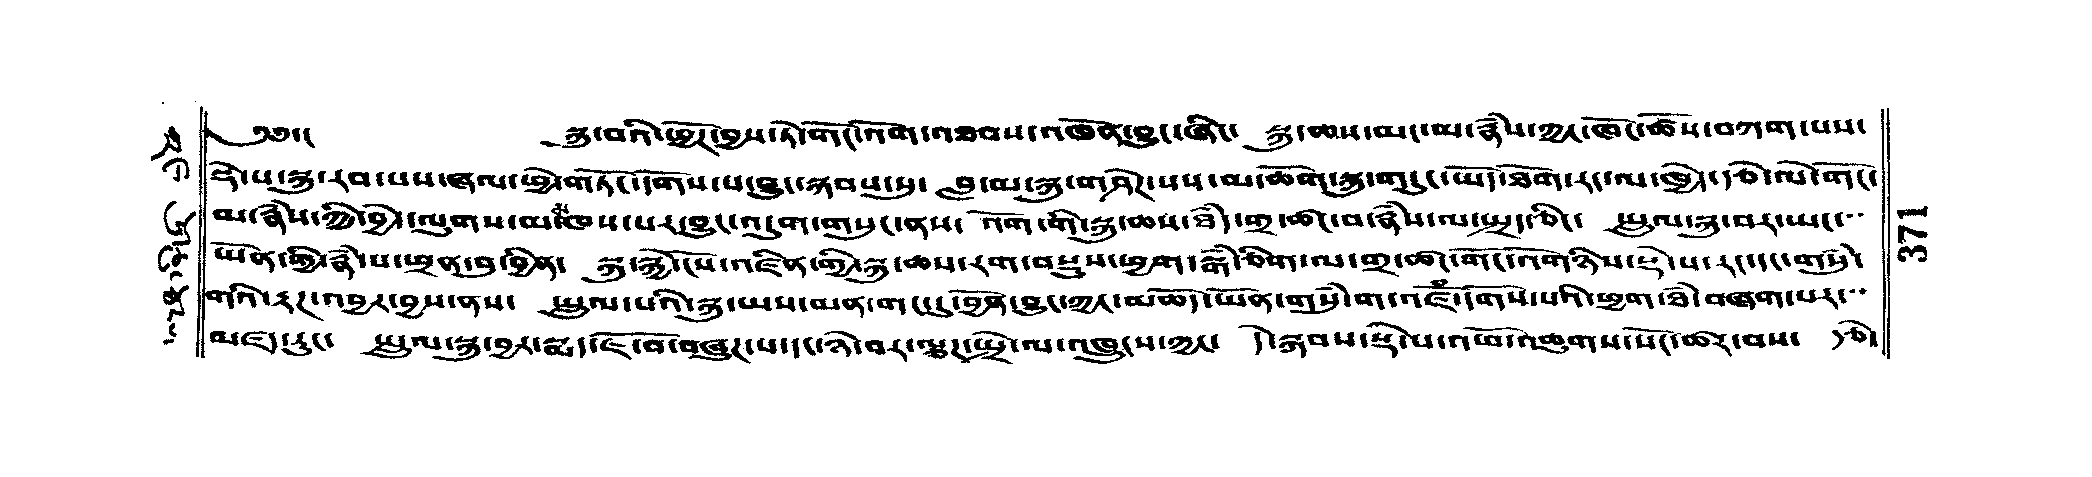སྐུ་བའི་ཕྱོགས་བྱས་ཏེ་གོང་འོག་འཐབ་འཁོན་བྱུང་ཞིང་། སྐུ་ཆས་མང་མ་རྣམས་ཀྱང་ཁོང་ཚོས་བཀག་པས་
སྡེ་པ་སྐུ་རབ་པས་ཞལ་ཕྱེ་གཏོང་དགོས་པ་བྱུང་སྐབས་སུ། བླ་མ་སྐུ་གཤེགས་པས་མ་ཆོག་སྐུ་གདུང་ཡོད་ཐོག་རང་ལ་ཁྱེད་རྩེ་ལེ་གོང་
མ་རྣམས་ཀྱི་བྱེད་ལུགས་མ་མཁས་པར་བྱུང་འདུག་གསུངས་ནས། འོག་གི་སྐུ་ཆས་ཐམས་ཅད་གྲྭ་ཚང་བ་རྣམས་ལ་སྤྲད་ཅིང་། སྤྲུལ་སྐུ་བར་ཡང་
ཡོན་གྱི་རྣམ་པ་ཕྲན་བུ་བྱིན། སྐུ་སྐྱེ་ངོས་འཛིན་གྱི་སྐུ་ཆས་རགས་བསྡུས་ཕྱག་སྒམ་ཅིག་ལ་གྲྭ་ཚང་གོང་འོག་གཉིས་སྡེ་པ་རང་དང་གསུམ་
གའི་རྟགས་འབྱར་བྱས་ནས། སྤྲུལ་པའི་སྐུ་ཡས་མས་གང་དུ་བྱོན་བྱུང་ཀྱང་མཆོད་ཡོན་གསུམ་ག་འཛོམ་དགོས་པའི་ཕྱག་ཐམས་བཞག་པར་
མཛད་རུང་། སྤྲུལ་སྐུ་བྱར་སྨད་ཇོ་བོ་བཞུགས་ས་དང་ཉེ་བར་ལྕགས་སྤྲེལ་ལ་འཁྲུངས་ཀྱང་། དེ་སྐབས་སྡེ་པ་འཕོ་འཆུགས་སོང་ཚར་བས། རྩེ་